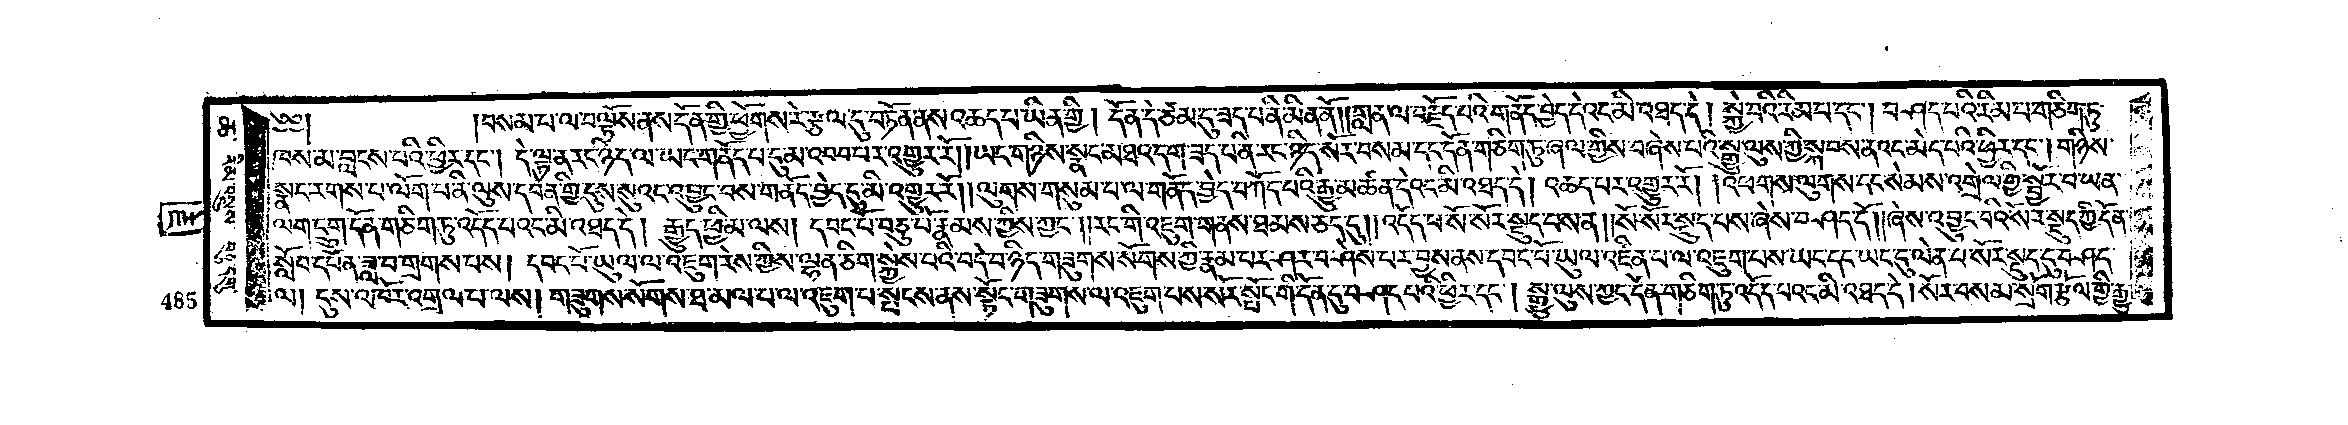༄༅། །བསམ་པ་ལ་བློས་ནས་དོན་གྱི་ཕྱོགས་རེ་རྩལ་དུ་བཏོན་ནས་འཆད་པ་ཡིན་གྱི། དོན་དེ་ཙམ་དུ་ཟད་པ་ནི་མིན་ནོ། །གླན་ལ་བརྗོད་པའི་གནོད་བྱེད་དེའང་མི་འཐད་དེ། སྐྱེ་བའི་རིམ་པ་དང་། བཤད་པའི་རིམ་པ་གཅིག་ཏུ་
ཁས་མ་བླངས་པའི་ཕྱིར་དང་། དེ་ལྟ་ན་རང་ཉིད་ལ་ཡང་གནོད་པ་དུ་མ་འབབ་པར་འགྱུར་རོ། །ཡང་གཉིས་སྣང་མཐའ་དག་ཟད་པ་ནི་རང་ཉིད་སོར་བསམ་དང་དོན་གཅིག་ཏུ་ཞལ་གྱིས་བཞེས་པའི་སྒྱུ་ལུས་ཀྱི་སྐབས་ནའང་མེད་པའི་ཕྱིར་དང་། གཉིས་
སྣང་རགས་པ་ལོག་པ་ནི་ལུས་དབེན་གྱི་དུས་སུའང་འབྱུང་བས་གནོད་བྱེད་དུ་མི་འགྱུར་རོ། །ལུགས་གསུམ་པ་ལ་གནོད་བྱེད་བཀོད་པའི་རྒྱུ་མཚན་དེའང་མི་འཐད་དེ། འཆད་པར་འགྱུར་རོ། །འཕགས་ལུགས་དང་སེམས་འགྲེལ་གྱི་སྦྱོར་བ་ཡན་
ལག་དྲུག་དོན་གཅིག་ཏུ་འདོད་པའང་མི་འཐད་དེ། རྒྱུད་ཕྱི་མ་ལས། དབང་པོ་བཅུ་པོ་རྣམས་ཀྱིས་ཀྱང་། །རང་གི་འཇུག་གནས་ཐམས་ཅད་དུ། །འདོད་པ་སོ་སོར་སྡུད་པས་ན། །སོ་སོར་སྡུད་པས་ཞེས་བཤད་དོ། །ཞེས་འབྱུང་བའི་སོར་སྡུད་ཀྱི་དོན་
སློབ་དཔོན་ཟླ་བ་གྲགས་པས། དབང་པོ་ཡུལ་ལ་འཇུག་རེས་ཀྱིས་ལྷན་ཅིག་སྐྱེས་པའི་བདེ་བ་ཉིད་གཟུགས་སོགས་ཀྱི་རྣམ་པར་ཤར་བ་ཤེས་པར་བྱས་ནས་དབང་པོ་ཡུལ་འཛིན་པ་ལ་འཇུག་པས་ཡང་དང་ཡང་དུ་ལེན་པ་སོར་སྡུད་དུ་བཤད་
ལ། དུས་འཁོར་འགྲལ་པ་ལས། གཟུགས་སོགས་ཐ་མལ་པ་ལ་འཇུག་པ་སྤངས་ནས་སྟོང་གཟུགས་ལ་འཇུག་པས་སོར་སྤོང་གི་དོན་དུ་བཤད་པའི་ཕྱིར་དང་། སྒྱུ་ལུས་ཀྱང་དོན་གཅིག་ཏུ་འདོད་པའང་མི་འཐད་དེ། སོར་བསམ་སྲོག་རྩོལ་གྱི་རྒྱུ་